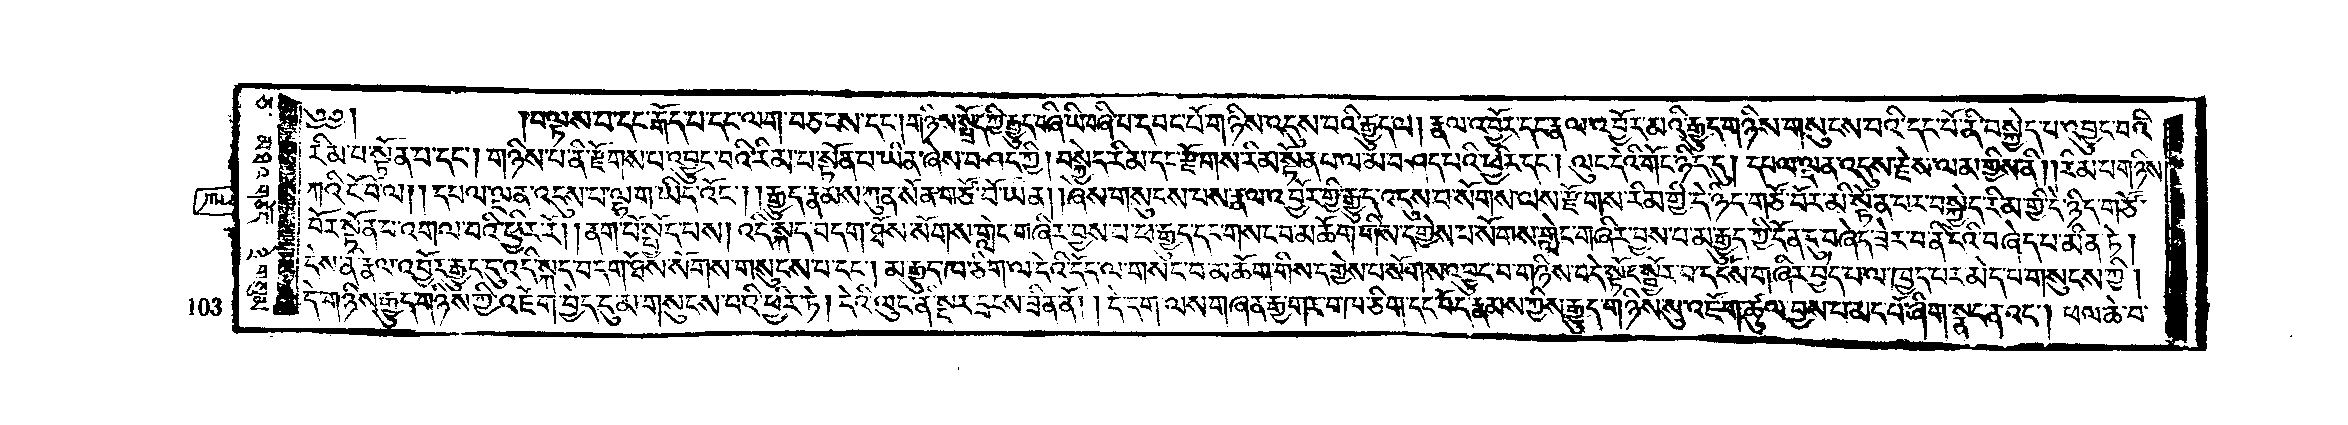༄༅། །བལྟས་པ་དང་རྒོད་པ་དང་ལག་བཅངས་དང་། གཉིས་སྤྲོད་ཀྱི་རྒྱུད་བཞི་ཡི་བཞི་པ་དབང་པོ་གཉིས་འདུས་བའི་རྒྱུད་ལ། རྣལ་འབྱོར་དང་རྣལ་འབྱོར་མའི་རྒྱུད་གཉིས་གསུངས་པའི་དང་པོ་ནི་བསྐྱེད་པ་འབྱུང་བའི་
རིམ་པ་སྟོན་པ་དང་། གཉིས་པ་ནི་རྫོགས་པ་འབྱུང་བའི་རིམ་པ་སྟོན་པ་ཡིན་ཞེས་བཤད་ཀྱི། བསྐྱེད་རིམ་དང་རྫོགས་རིམ་སྟོན་པ་ལ་མ་བཤད་པའི་ཕྱིར་དང་། ལུང་དེའི་གོང་ཉིད་དུ། དཔལ་ལྡན་འདུས་རྗེས་ལམ་གྱིས་ནི། །རིམ་པ་གཉིས་
ཀའི་ངོ་བོ་ལ། །དཔལ་ལྡན་འདུས་པ་ལྷག་ཡིད་འོང་། །རྒྱུད་རྣམས་ཀུན་སོན་གཙོ་བོ་ཡིན། །ཞེས་གསུངས་པས་རྣལ་འབྱོར་གྱི་རྒྱུད་འདུས་པ་སོགས་ལས་རྫོགས་རིམ་གྱི་དེ་ཉིད་གཙོ་བོར་མི་སྟོན་པར་བསྐྱེད་རིམ་གྱི་དེ་ཉིད་གཙོ་
བོར་སྟོན་པ་འགལ་བའི་ཕྱིར་རོ། །ནག་པོ་སྤྱོད་པས། འདི་སྐད་བདག་ཐོས་སོགས་གླེང་གཞིར་བྱས་པ་ཕ་རྒྱུད་དང་གསང་བ་མཆོག་གིས་དགྱེས་པ་སོགས་གླེང་གཞིར་བྱས་པ་མ་རྒྱུད་ཀྱི་དོན་དུ་བཞེད་ཟེར་བ་ནི་དེའི་བཞེད་པ་མིན་ཏེ།
དེས་ནི་རྣལ་འབྱོར་རྒྱུད་དུ་འདི་སྐད་བདག་ཐོས་སོགས་གསུངས་པ་དང་། མ་རྒྱུད་ཁ་ཅིག་ལ་དེའི་དོད་ལ་གསང་བ་མཆོག་གིས་དགྱེས་པ་སོགས་འབྱུང་བ་གཉིས་བདེ་སྟོང་སྦྱོར་བ་དངོས་གཞིར་བྱེད་པ་ལ་ཁྱད་པར་མེད་པ་གསུངས་ཀྱི།
དེ་གཉིས་རྒྱུད་གཉིས་ཀྱི་འཇོག་བྱེད་དུ་མ་གསུངས་པའི་ཕྱིར་ཏེ། དེའི་ལུང་ནི་སྔར་དྲངས་ཟིན་ནོ། །དེ་དག་ལས་གཞན་རྒྱ་གར་བ་ཁ་ཅིག་དང་བོད་རྣམས་ཀྱིས་རྒྱུད་གཉིས་སུ་འཇོག་ཚུལ་བྱས་པ་མང་པོ་ཞིག་སྣང་ན་འང་། ཕལ་ཆེ་བ་